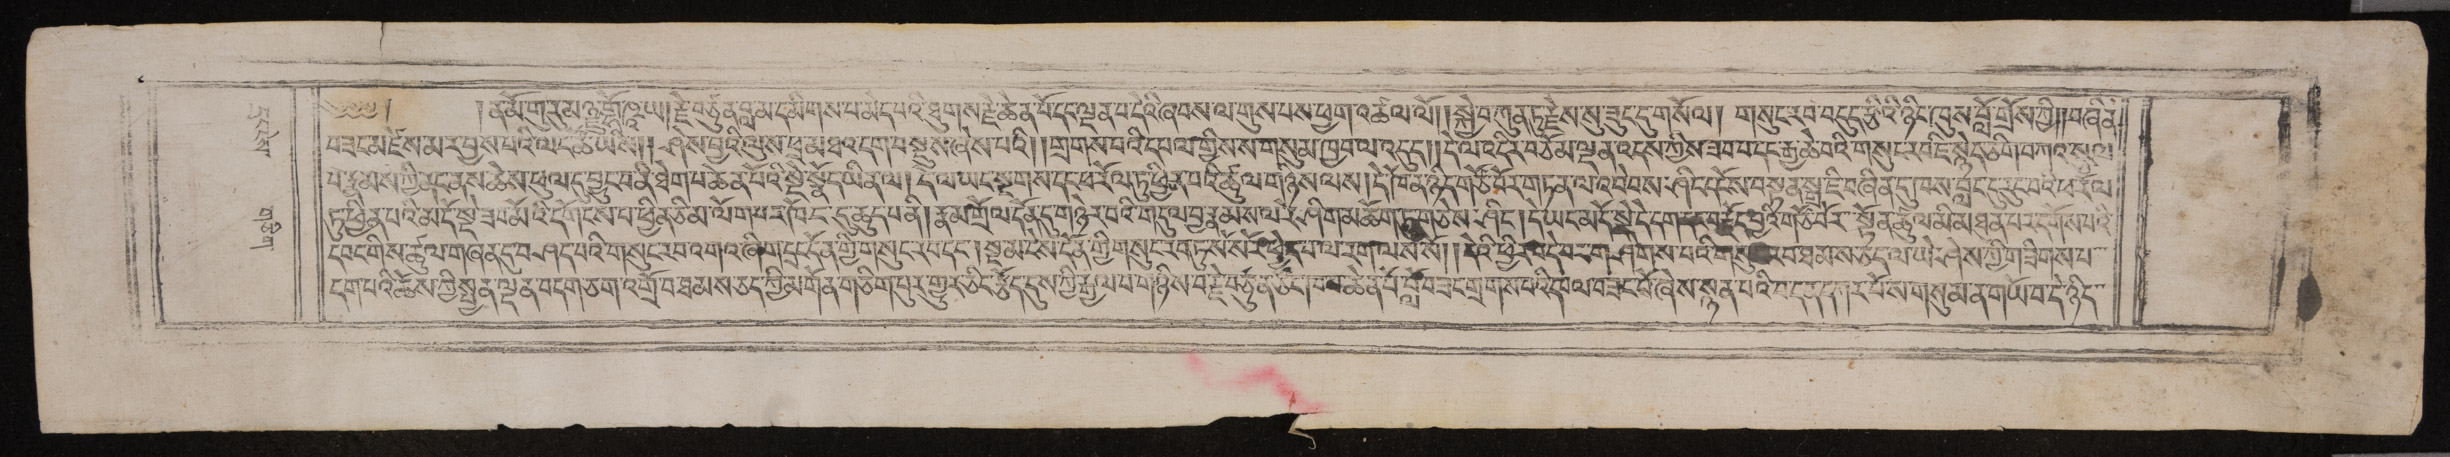༄༅། །ན་མོ་གུ་རུ་མཉྫུ་གྷO་ཥཱ་ཡ། རྗེ་བཙུན་བླ་མ་དམིགས་པ་མེད་པའི་ཐུགས་རྗེ་ཆེན་པོ་དང་ལྡན་པ་དེའི་ཞབས་ལ་གུས་པས་ཕྱག་འཚལ་ལོ། །སྐྱེ་བ་ཀུན་ཏུ་རྗེས་སུ་ཟུང་དུ་གསོལ། གསུང་རབ་བདུད་རྩིའི་ཉིང་ཁུས་བློ་གྲོས་ཀྱི། །བཞིན་
བཟང་མཛེས་མར་བྱས་པའི་ལང་ཚོ་ཡིས། །ཤེས་བྱའི་ལུས་ཕྲ་མཐའ་དག་བསྡུས་ཞེས་པའི། །གྲགས་པའི་དཔལ་གྱིས་ས་གསུམ་ཁྱབ་ལ་འདུད། །དེ་ལ་འདིར་བཅོམ་ལྡན་འདས་ཀྱིས་ཟབ་པ་དང་རྒྱ་ཆེ་བའི་གསུང་རབ་ཇི་སྙེད་ཅིག་བཀའ་སྩལ་
བ་རྣམས་ཀྱི་ནང་ནས་ཆེས་ཕུལ་དུ་བྱུང་བ་ནི་ཐེག་པ་ཆེན་པོའི་སྡེ་སྣོད་ཡིན་ལ། དེ་ལ་ཡང་སྔགས་དང་ཕ་རོལ་ཏུ་ཕྱིན་པའི་ཚུལ་གཉིས་ལས། དེ་ཁོ་ན་ཉིད་གཙོ་བོར་གཏན་ལ་འབེབས་ཤིང་དངོས་བསྟན་སྒྲ་ཇི་བཞིན་དུ་ཁས་བླང་དུ་རུང་བའི་ཕ་རོལ་
ཏུ་ཕྱིན་པའི་མདོ་སྡེ་ཟབ་མོའི་དགོངས་པ་ཕྱིན་ཅི་མ་ལོག་པར་ཁོང་དུ་ཆུད་པ་ནི། རྣམ་གྲོལ་དོན་དུ་གཉེར་པའི་གདུལ་བྱ་རྣམས་ལ་རེ་ཤིག་མཆོག་ཏུ་གཅེས་ཤིང་། དེ་ཡང་མདོ་སྡེ་དེ་དག་དང་བརྗོད་བྱའི་གཙོ་བོར་སྟོན་ཚུལ་མི་མཐུན་པར་དགོས་པའི་
དབང་གིས་ཚུལ་གཞན་དུ་བཤད་པའི་གསུང་རབ་འགའ་ཞིག་དྲང་དོན་གྱི་གསུང་རབ་དང་། སྔ་མ་ངེས་དོན་གྱི་གསུང་རབ་ཏུ་སོ་སོར་ཕྱེད་པ་ལ་རག་ལས་སོ། །དེའི་ཕྱིར་བདེ་བར་གཤེགས་པའི་གསུང་རབ་ཐམས་ཅད་ལ་ཡེ་ཤེས་ཀྱི་གཟིགས་པ་
དག་པའི་ཆོས་ཀྱི་སྤྱན་ལྡན་བདག་ཅག་འགྲོ་བ་ཐམས་ཅད་ཀྱི་མགོན་གཅིག་པུར་གྱུར་ཅིང་རྩོད་དུས་ཀྱི་རྒྱལ་བ་གཉིས་པ་རྗེ་བཙུན་ཙོང་ཁ་པ་ཆེན་པོ་བློ་བཟང་གྲགས་པའི་དཔལ་བཟང་པོ་ཞེས་སྙན་པའི་བདན་དཀར་པོ་ས་གསུམ་ན་གཡོ་བ་དེ་ཉིད་